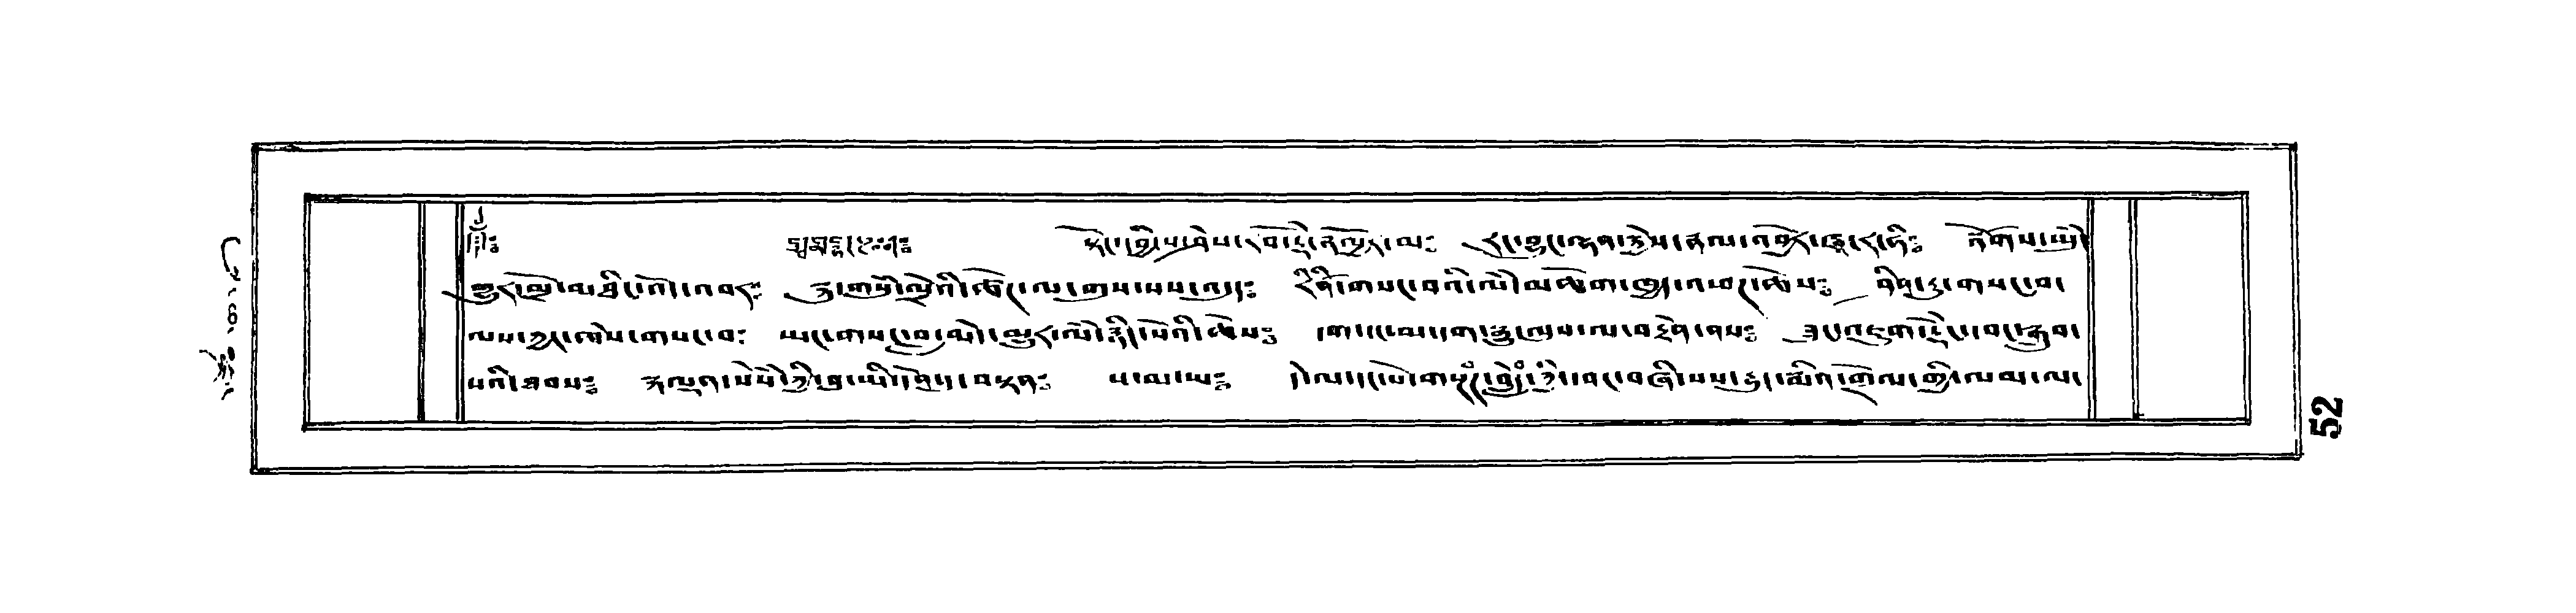སྟོང་དབྱིངས་ཤེས་རབ་རྡོ་རྗེ་རྣལ་འབྱོར་མ༔ རང་བྱུང་ལྷན་སྐྱེས་རྣལ་འབྱོར་ཝཱ་ར་ཧི༔ སྣ་ཚོགས་ཡུམ་
གྱུར་མཁའ་འགྲོ་མཐིང་འོད་འབར༔ སྐུ་གསུམ་མཁའ་འགྲོའི་ཚོགས་ལ་གུས་པས་འདུད༔ རིག་འཛིན་གསང་བའི་ལམ་མཆོག་ཁྱད་འཕགས་ཆོས༔ ཤིན་ཏུ་གསང་བ་
ལས་ཀྱང་ཆེས་གསང་བ༔ ཡང་གསང་བླ་མེད་མྱུར་ལམ་རྙིང་པོའི་ཆོས༔ དག་དང་མ་དག་སྒྱུ་ལུས་ལ་བརྟེན་ནས༔ ཟུང་འཇུག་རྡོ་རྗེ་འཆང་དབང་སྒྲུབ་
པའི་ཐབས༔ སྐལ་ལྡན་སེམས་ཀྱི་བུ་ཡི་དོན་དུ་བསྟན༔ ས་མ་ཡ༔ དེ་ལ་དང་པོ་གསང་སྔགས་བླ་མེད་ཀྱི་དབང་བཞི་པས་རྒྱུད་སྨིན་གྲོལ་གྱི་ལམ་ལ་